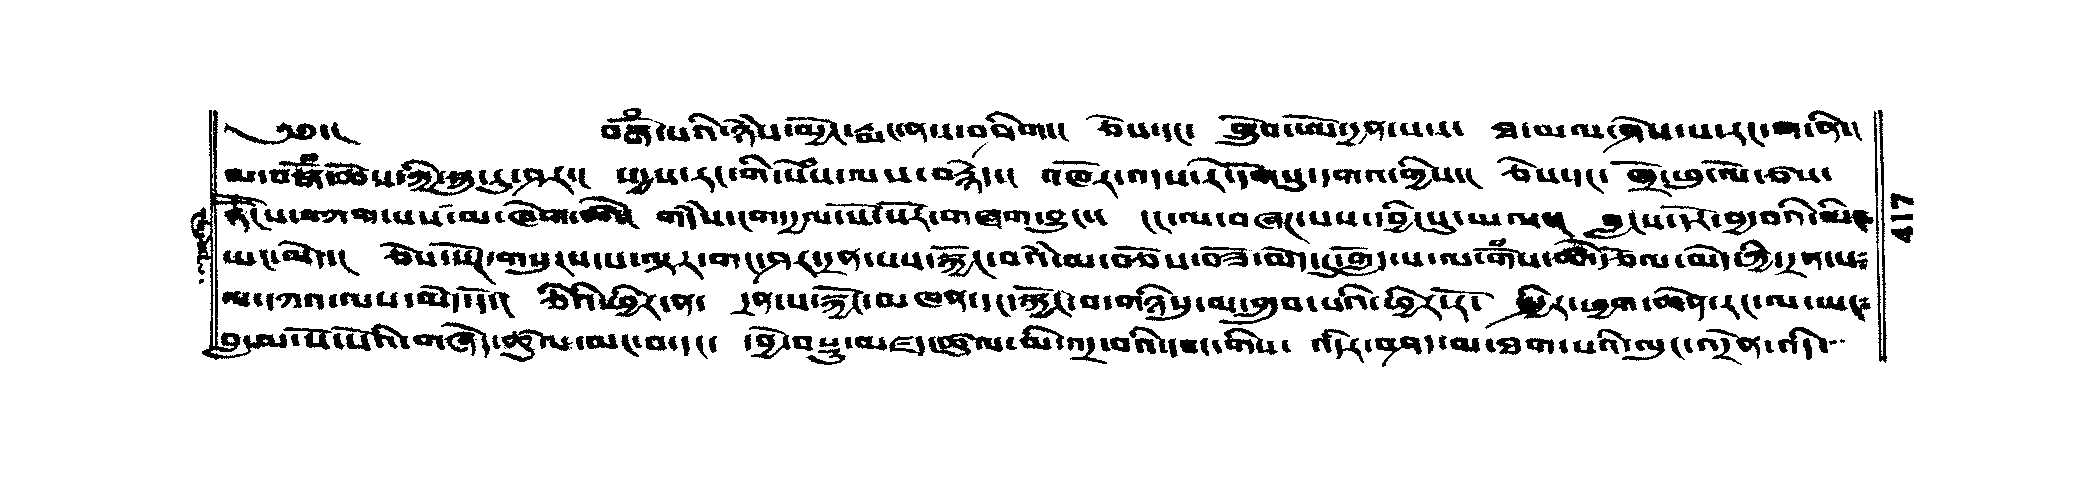བསྒོམ་པའི་ཉམས་མྱོང་རྨག་ནས་བཤིག་།ཅེས་དང་། གྲུབ་ཐོབ་ཨོ་རྒྱན་པས། ཐ་མལ་ཤེས་པ་རང་ག་ནི་
མ་བསྒོམ་ཆོས་ཀྱི་སྐུ་རུ་ཤར། །སངས་རྒྱས་རང་གི་སེམས་ལས་བརྙེས། །འཁོར་འདས་རེ་དོགས་སུ་དགའ་གྱིས། ། ཅེས་དང་། ཁྲོ་ཕུ་ལོ་ཙས། 
ཉོན་མོངས་བཀག་པས་མ་ཁེགས་ཚེ། །གདམས་ངག་རྒྱལ་པོ་སཽ་སོར་གཞག་བྱུང་། ངང་ལ་བཞག་པས་དབྱིངས་སུ་ཡལ། །བླང་དོར་བྱ་བའི་མིང་
ཡང་མེད། །ཅེས་སོགས་གསུངས་པ་ལྟར་གང་ཤར་དྲན་པས་སྐྱོང་བའམ་མ་བཅོས་བཟོ་མེད་དུ་གློད་པ་ལ་གོམས་ཚེ་རྩོལ་མེད་ཀྱི་དྲན་པ་
ལ་དཀའ་ལས་མེད་དོ། ཅིའི་ཕྱིར་ན། དྲན་པ་སྐྱོང་མཁན་དང་སྐྱོང་བ་གཉིས་སུ་མ་གྲུབ་པའི་ཕྱིར་རོ། སྤྱིར་ཕྱག་ཆེན་རང་ལ་ཡང་
བླ་མ་སོ་སོའི་བཞེད་ཚུལ་མང་བ་དང་།དབྱེ་བསྡུ་མཛད་ཚུལ་མི་འདྲ་བའི་དབང་གིས། འདིར་བཤད་མ་ཐག་པའི་ལུང་འདྲེན་འདི་